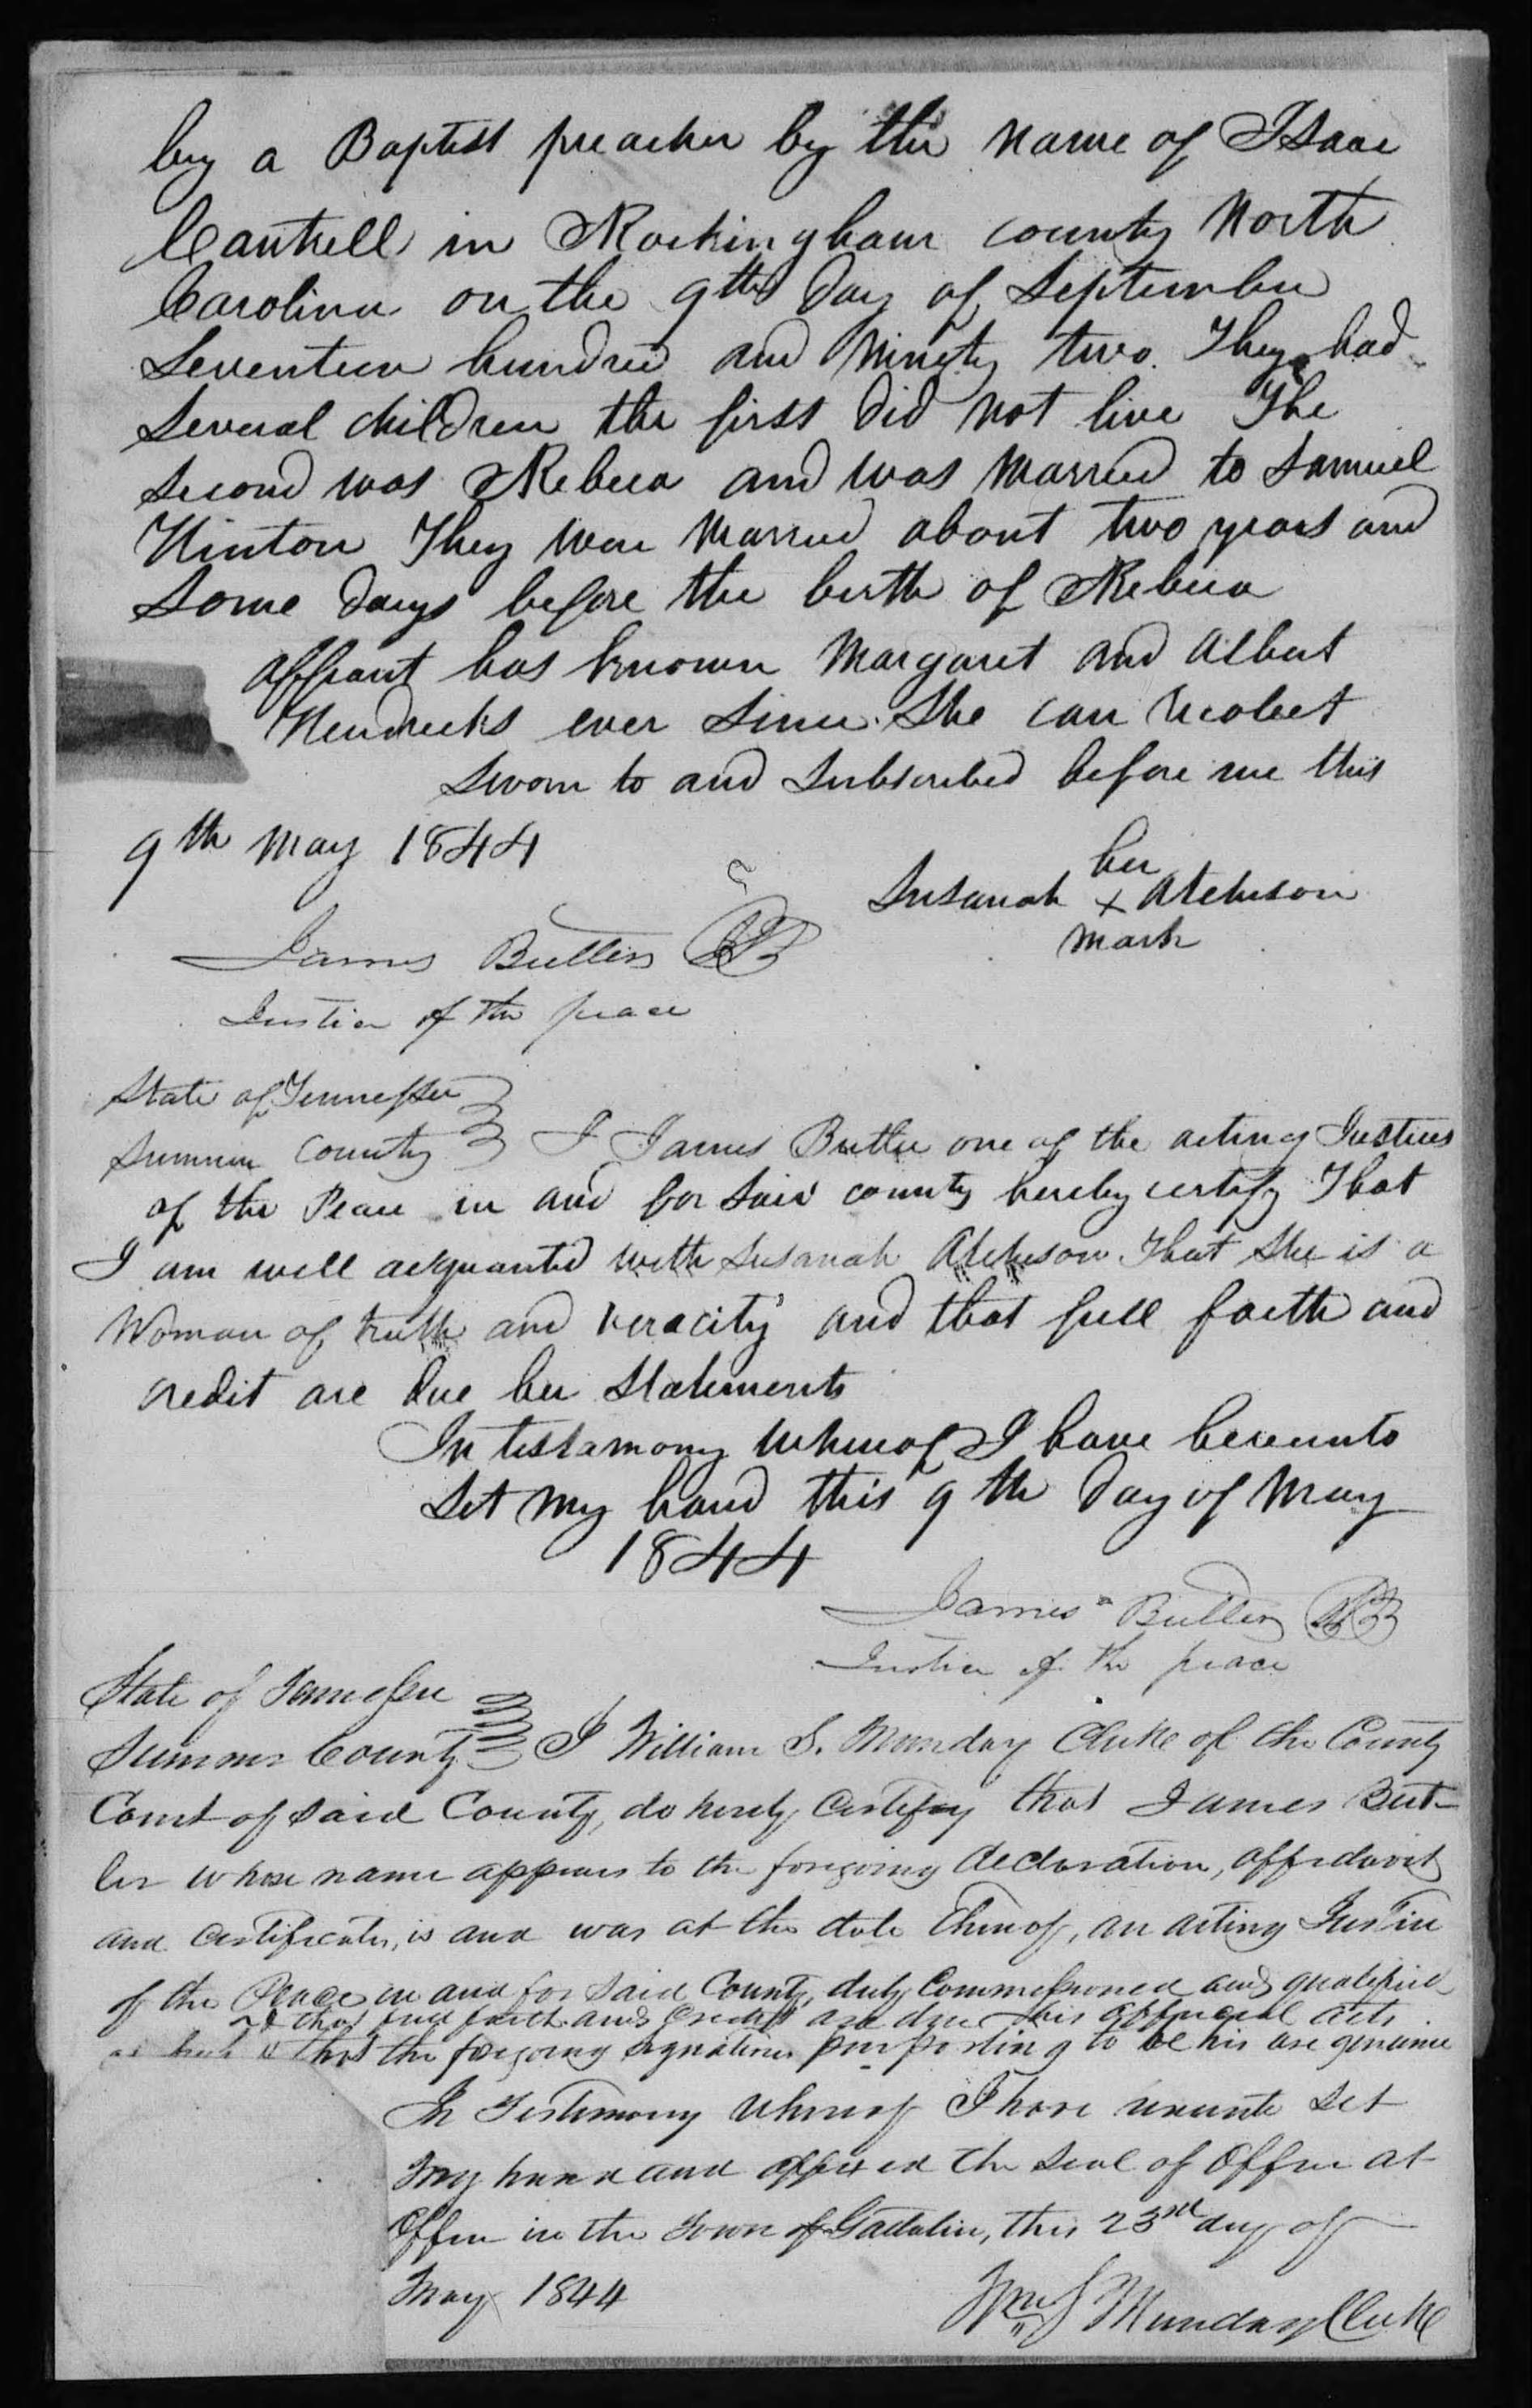by a Baptist preacher by the name of Isaac Cantrell in Washingham County North Carolina on the 9th day of September seventeen hundred and ninety two.  They had several children the first did not live.  The second was Rebeca and was married to Samuel Hinton.  They were married about two years and some days before the birth of Rebeca.
Affiant has known Margaret and Albert Hendricks ever since she can recollect.
Sworn to and subscribed before me this 9th May 1844.
Susanah Atchison X her mark
James Butler J. P.
Justice of the Peace
State of Tennessee  }
Sumner County
I James Butler one of the acting Justices of the Peace in and for said county hereby certify that I am well acquainted with Susanah Atchison.  That she is a woman of truth and veracity and that full faith and credit are due her statement.
In testimony whereof I have hereunto set my hand this 9th day of May 1844.  
James Butler J. P.  Justice of the Peace
State of Tennessee  }
Sumner County  I William S. Munday Clerk of the County Court of said county do hereby certify that James Butler whose name appears to the foregoing declaration affidavit and certificate is and was at the date thereof an acting Justice of the Peace in and for said county, duly commissioned and qualified [page corner covered illegible] [inserted: that full faith and credit are due his official acts] that the foregoing signatures purporting to be his are genuine.
In testimony whereof I have unto set my hand and affixed the seal of office in the town of Gadalin, this 23rd day of May 1844.
Wm S Munday Clerk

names: James Butler, William S Munday, Rebeca, James Butler, Margaret Hendricks, Susanah Atchison, James Butler, Albert Hendricks, Rebeca, Wm S Munday, Susanah Atchison, Samuel Hinton, Isaac Cantrell, James Butler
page: 8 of 76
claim: widow's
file: W. 83, Albert Hendricks, Continental Md. N.C.